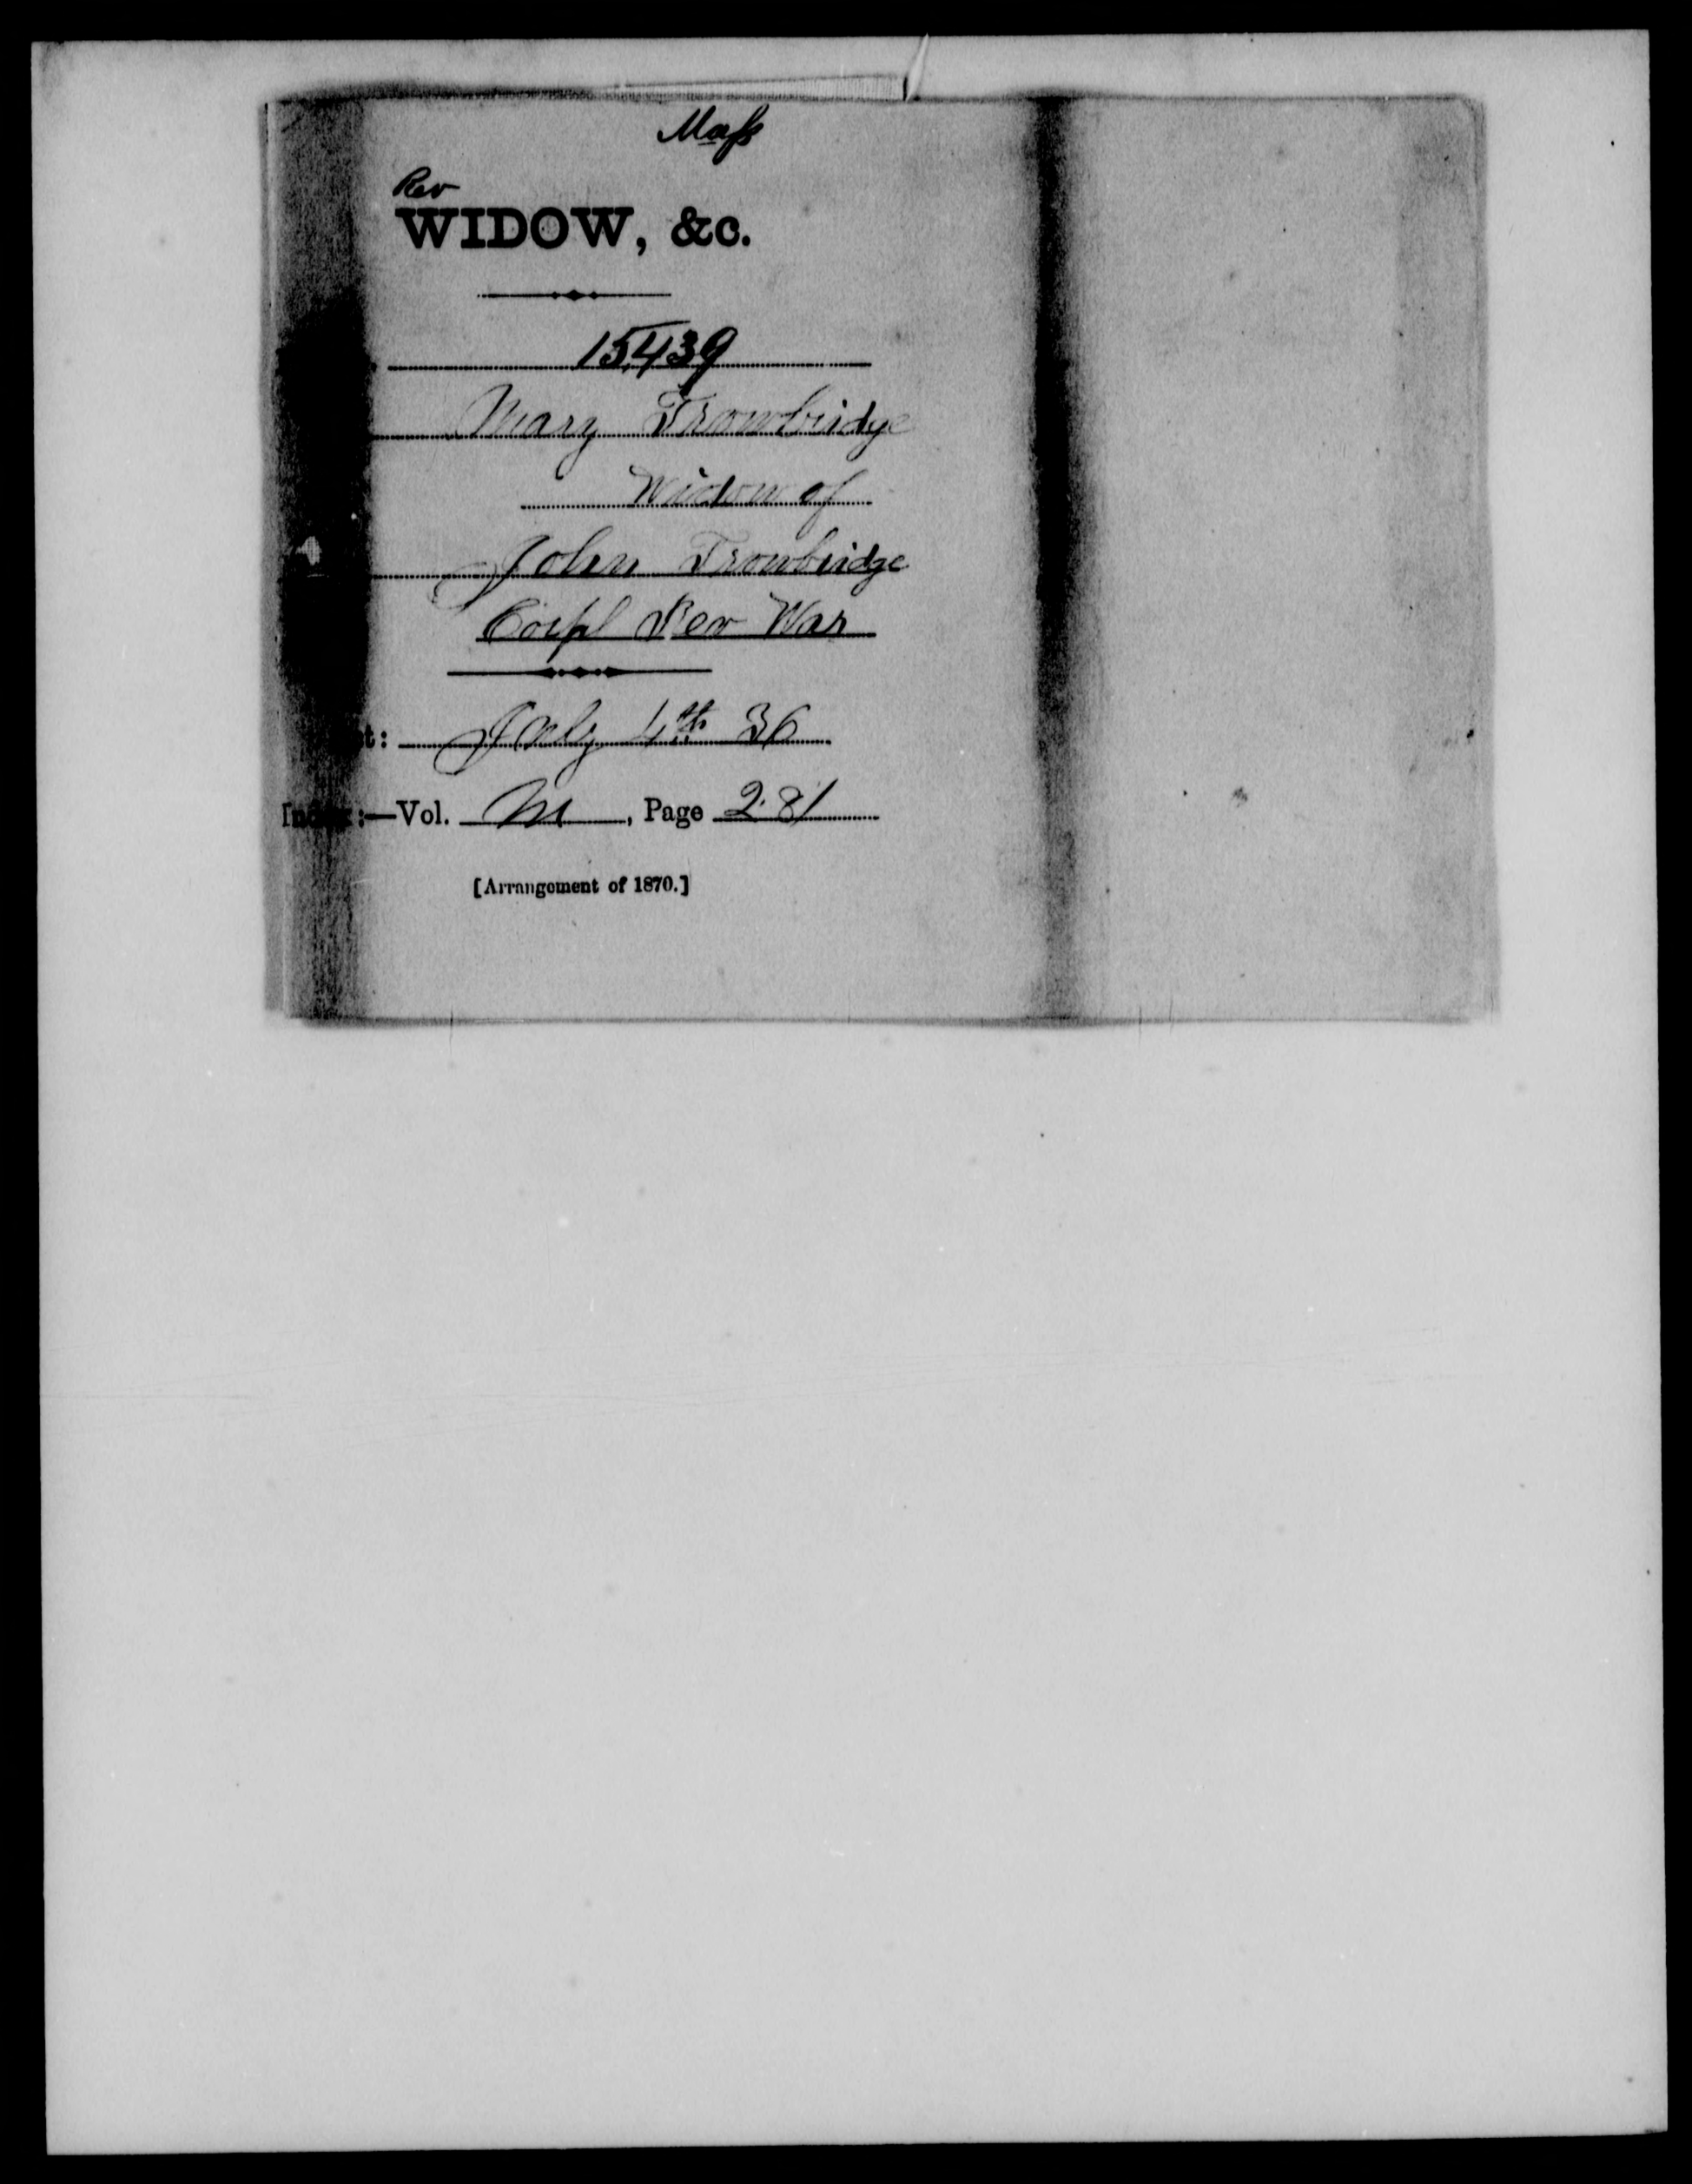Mass
Rev
WIDOW, &c.
15439
Mary Trowbridge
Widow of
John Trowbridge
Corpl Rev War
-
July 4th 36
- Vol. M, Page 28/
[Arrangement of 1870.]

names: John Trowbridge, Mary Trowbridge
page: 14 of 34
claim: widow's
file: W. 15439, John Trowbridge, Mass.